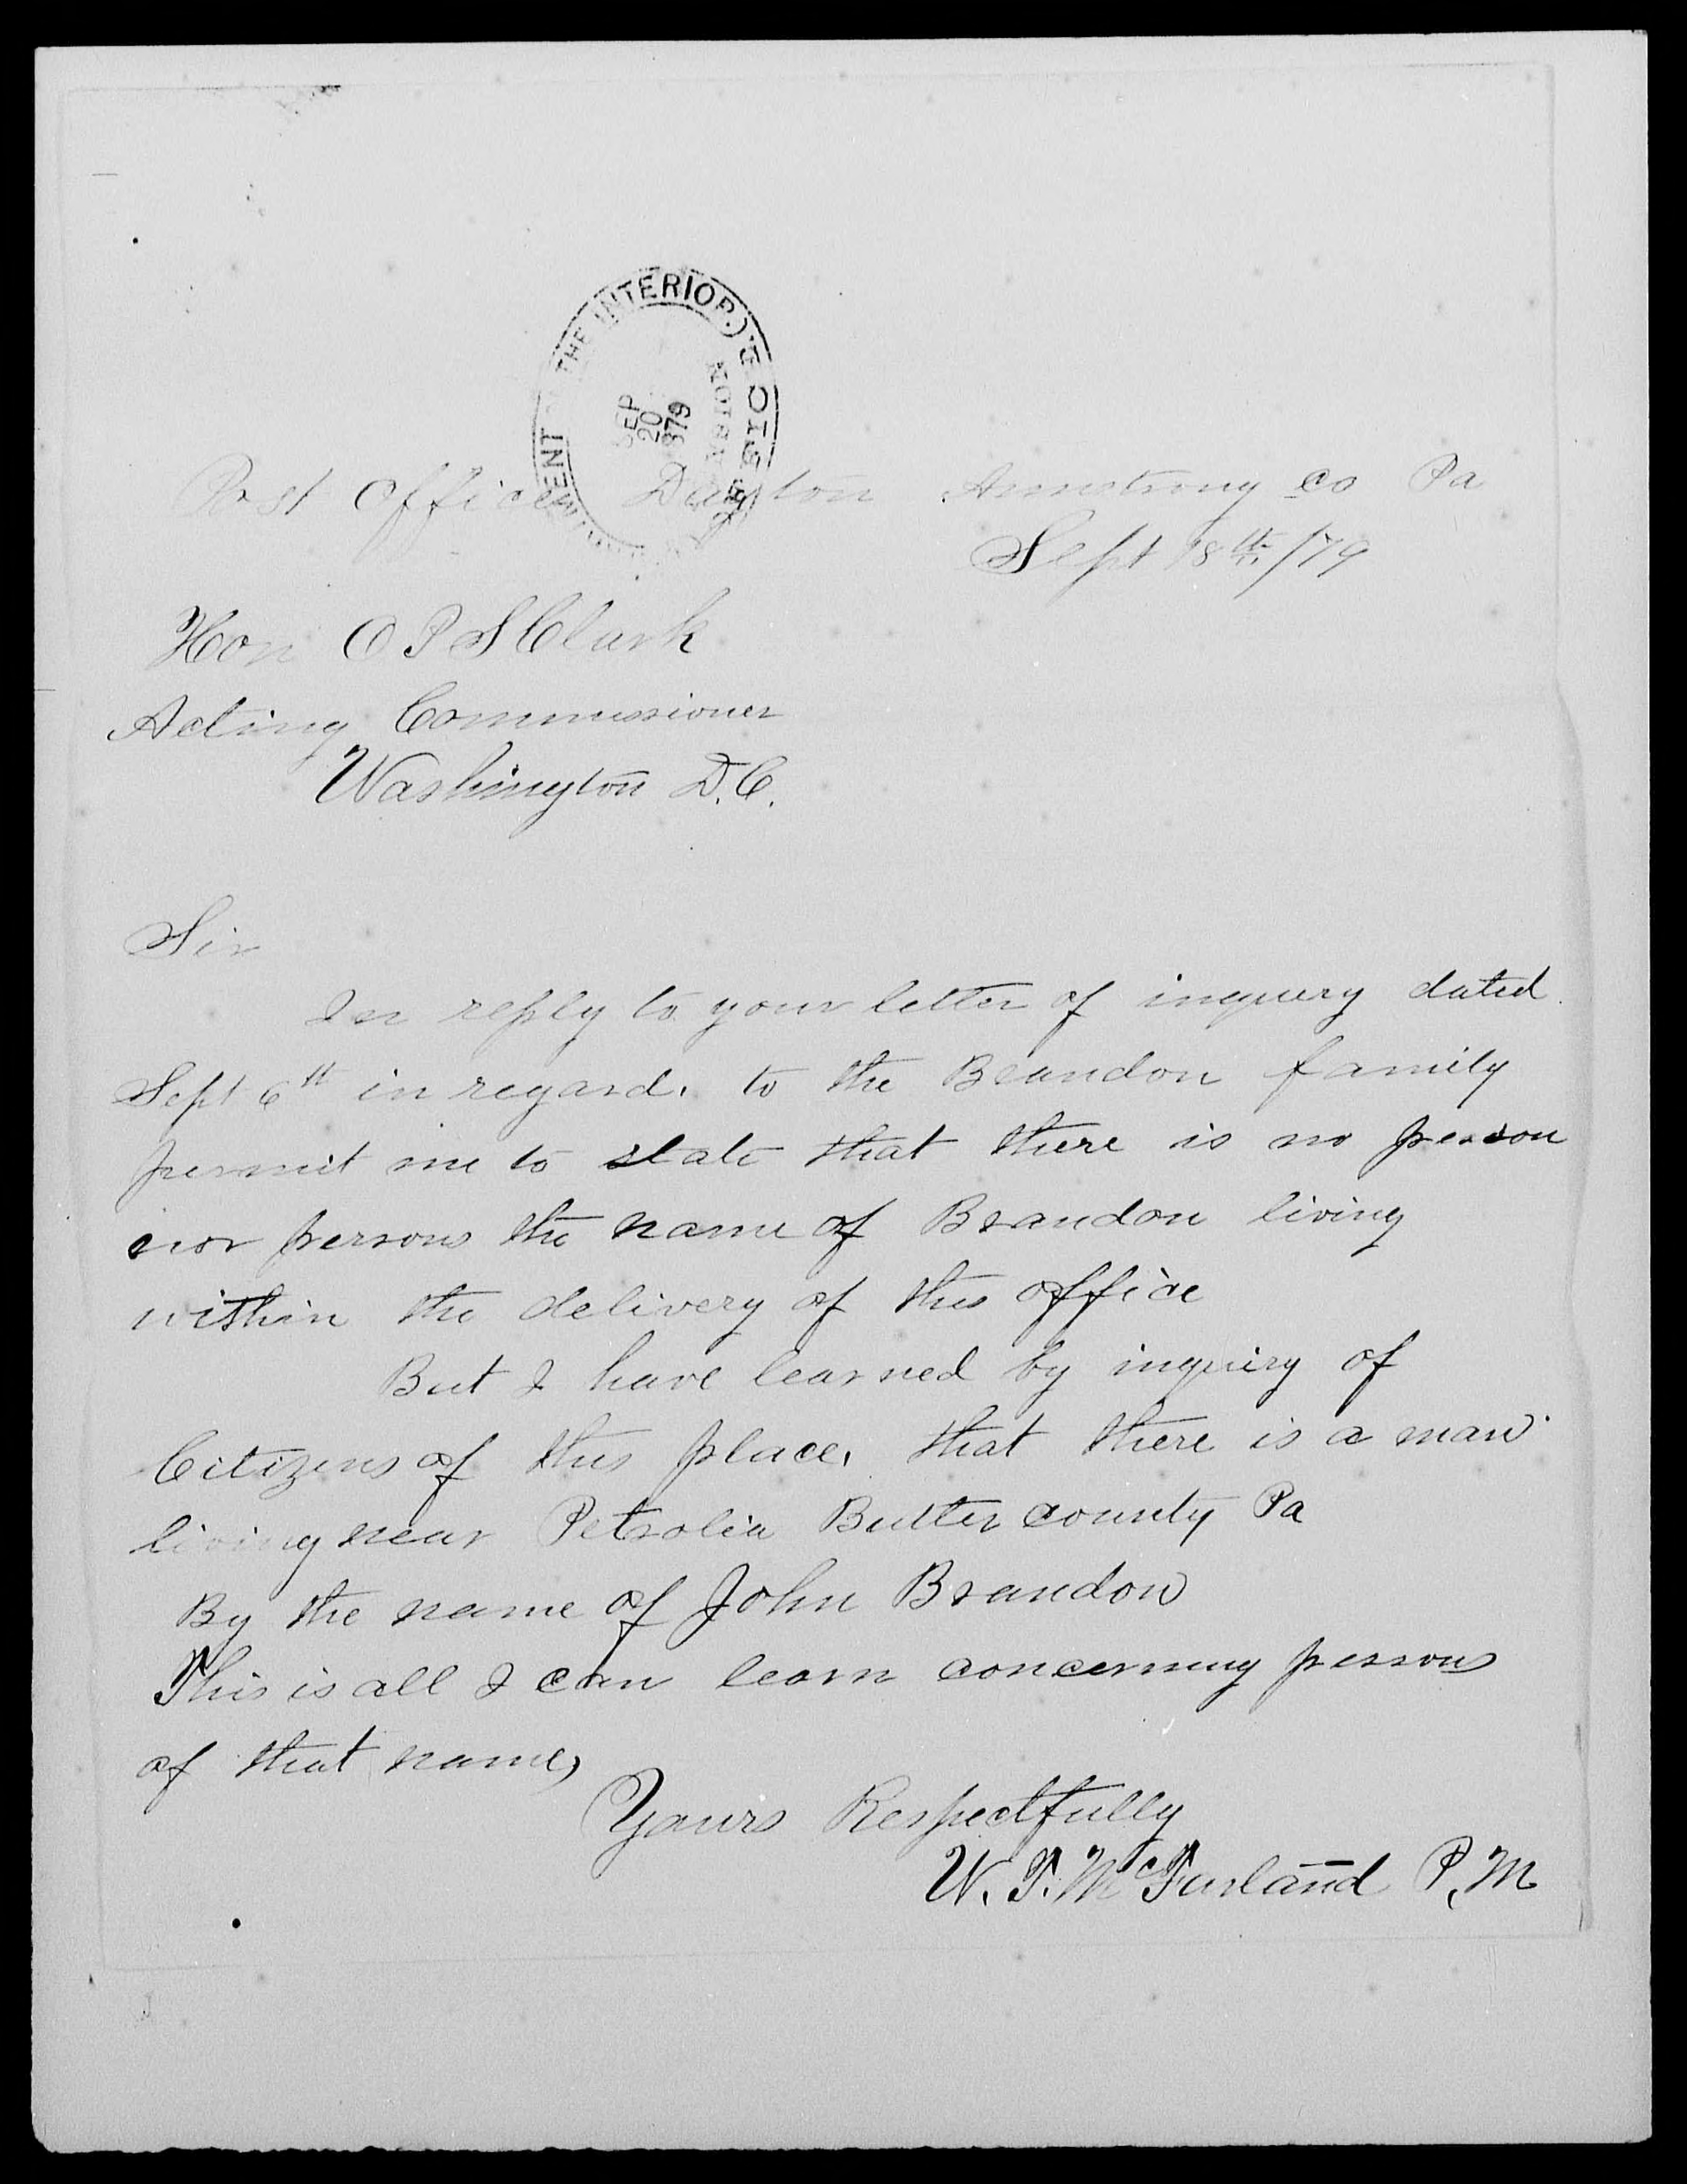[stamp]
DEPARTMENT OF THE INTERIOR.
PENSION OFFICE.
SEP 20 1879

Post Officer Dayton Armstrong Co Pa
Sept 18th/79

Hon OPS Clark
Acting Commissioner
Washington D.C.

Sir
In reply to your letter of inquiry dated Sept 6th in regard to the Brandon family permit me to state that there is no person nor persons [of] the name of Brandon living within the delivery of this office
But I have learned by inquiry of Citizens of this place, that there is a man living near Petrolia Butler County Pa By the name of John Brandon
This is all I can learn concerning persons of that name,
Yours Respectfully
W.T. McFarland P.M.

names: John Brandon, O P S Clark, W T Mc Farland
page: 60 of 83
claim: widow's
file: W. 5946, John Brandon, Penn